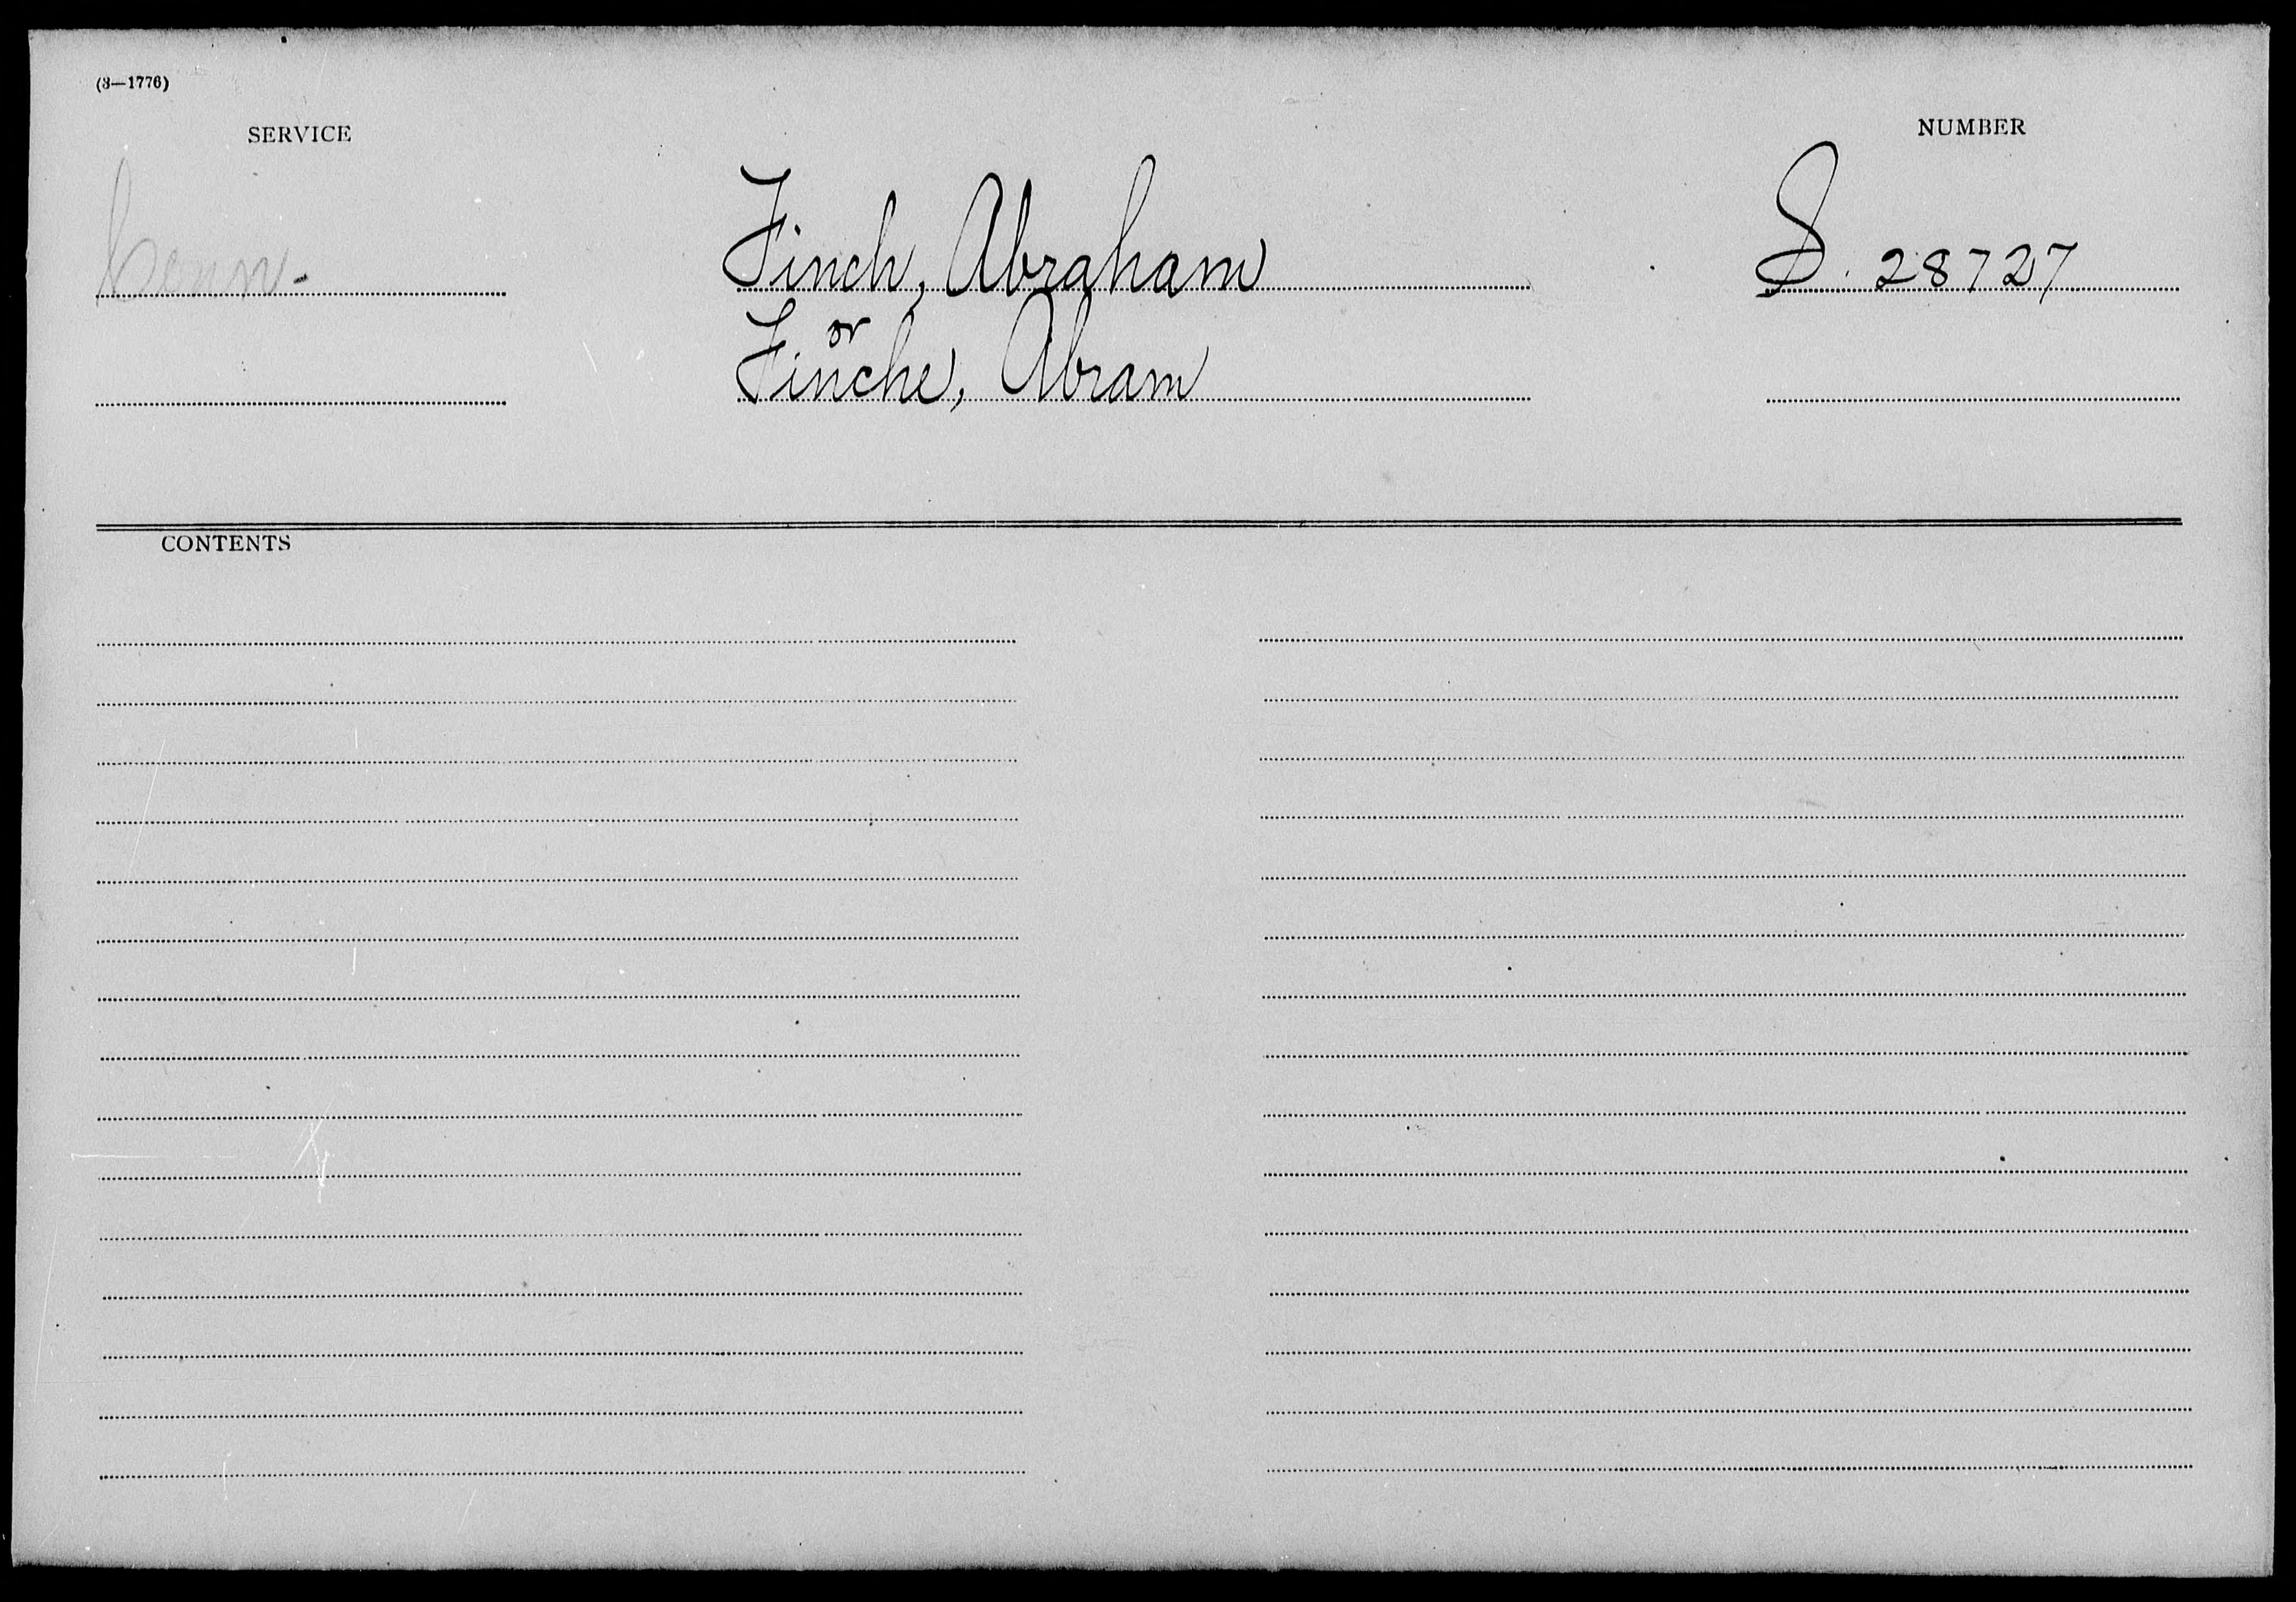(8-1778)

Service
Conn.
---
Finch, Abraham
or
Finche, Abram
---
Number
S. 28727
---
Contents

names: Abram Finche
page: 2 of 35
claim: survivor's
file: S. 28727, Abraham Finch, Conn.